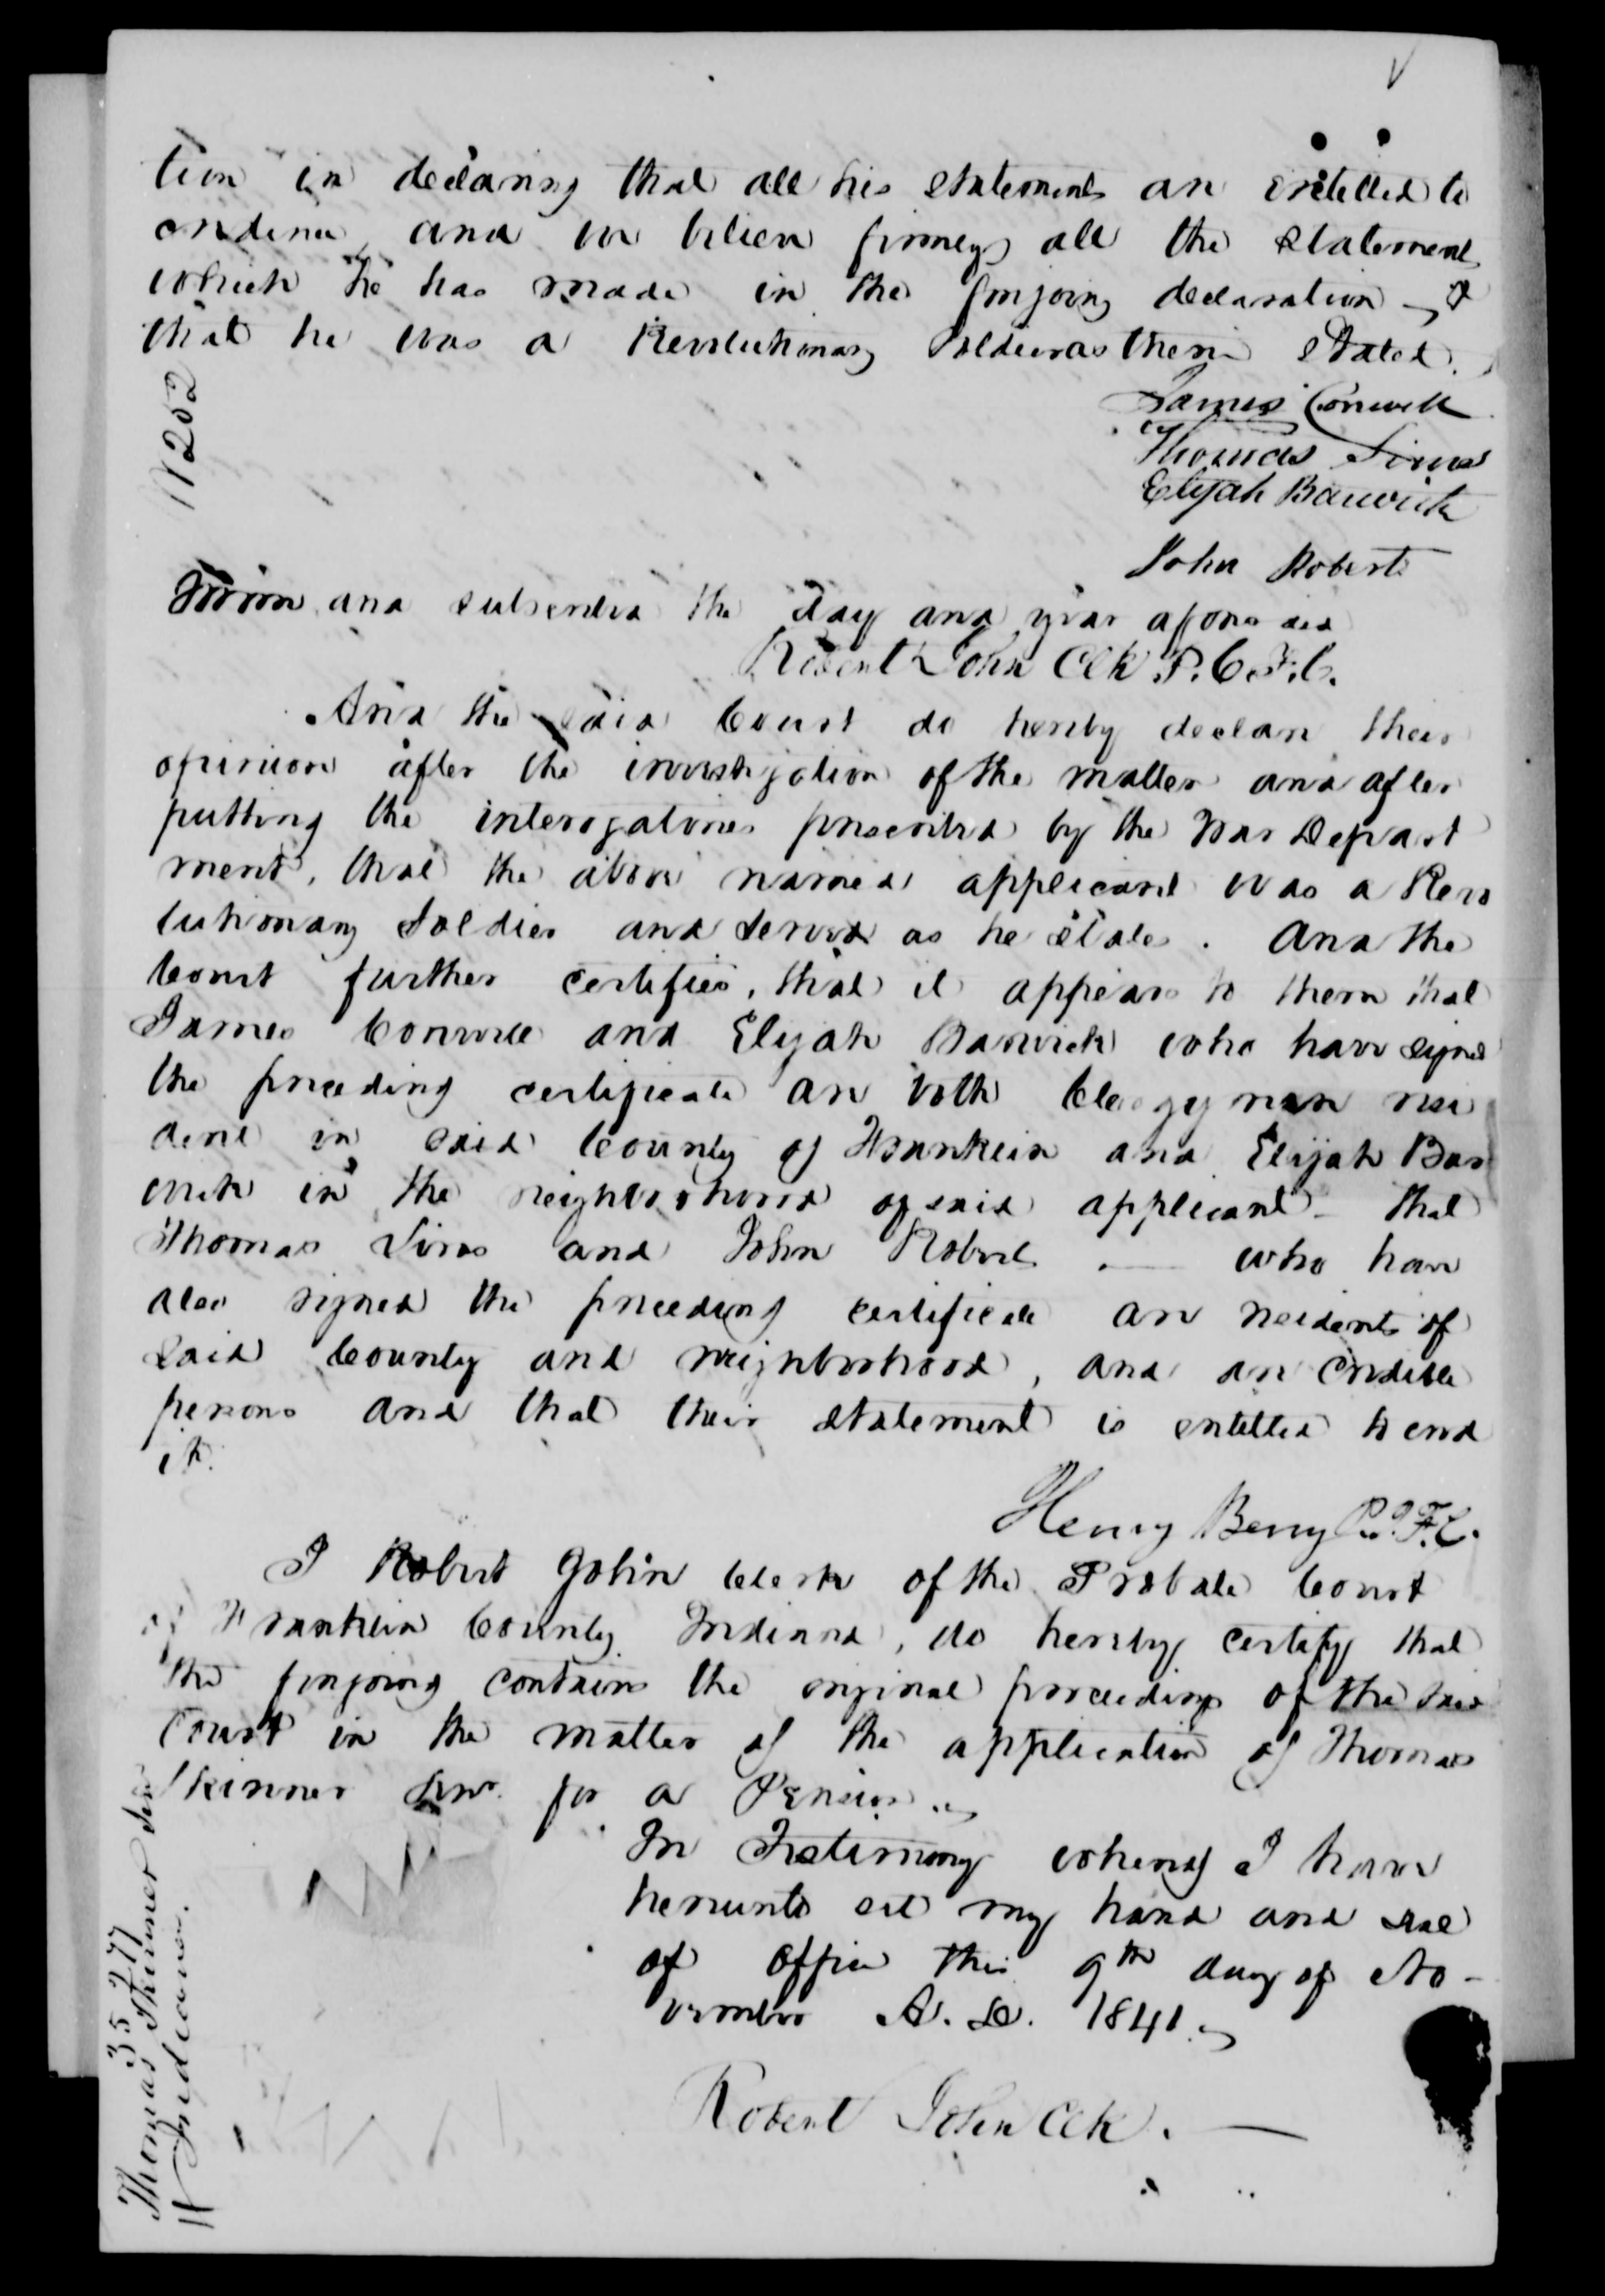tion in declaring that all his statements and entitled to evidence and we believe firmly all the statements which he has made in the forgoing declaration & that he was a Revolutionary Soldier as therein stated.
[written vertically], squiggly line in front] 202
James Conwell
Thomas Sims
Elijah Barwick
John Roberts
Sworn and subscribed the day and year aforesaid
Robert John Clk. P.C. F.C.
And the said Court do hereby declare their
opinion after the investigation of the matter and after putting the interogatories presented by the War Depart-ment, that the above named applicant was a Revo lutionary soldier and served as he states. And the court further certifies, that it appears to them that James Conwell and Elijah Barwick who have signed
the preceding certificate are both Clergyman resi dent in said County of Franklin and Elijah Bar wick in the neighborhood of said applicant. That Thomas Sims and John Roberts
-- who have signed the preceding certificate
are resident of said County and neighborhood, and are credible persons and that their statement is entitled end it.
Henry Berry P. J. F. C.

I Robert John Clerk of the Probate Court
all Franklin County Indiana, do hereby certify that the forgoing contains the original proceeding of the said Court in the matter of the application of Thomas Skinner for a Pension.
In Testimony whereof I have hereunto set my hand and seal of office this 9th day of No-vember A.D. 1841.
Robert John Clk

[the following all written vertically] 35277
Thomas Skinner Sen.
Indiana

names: Robert John; Thomas Sims; Robert John; Robert John; Henry Berry; Thomas Skinner; John Roberts; Ana [BLANK]; John Robert; Thomas Skinner; Elijah Barwick; James Conwell; Thomas Sims; James Conwell; Elijah Barwick; Elijah Barwick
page: 5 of 33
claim: rejected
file: R. 9635, for Thomas Skinner, Delaware